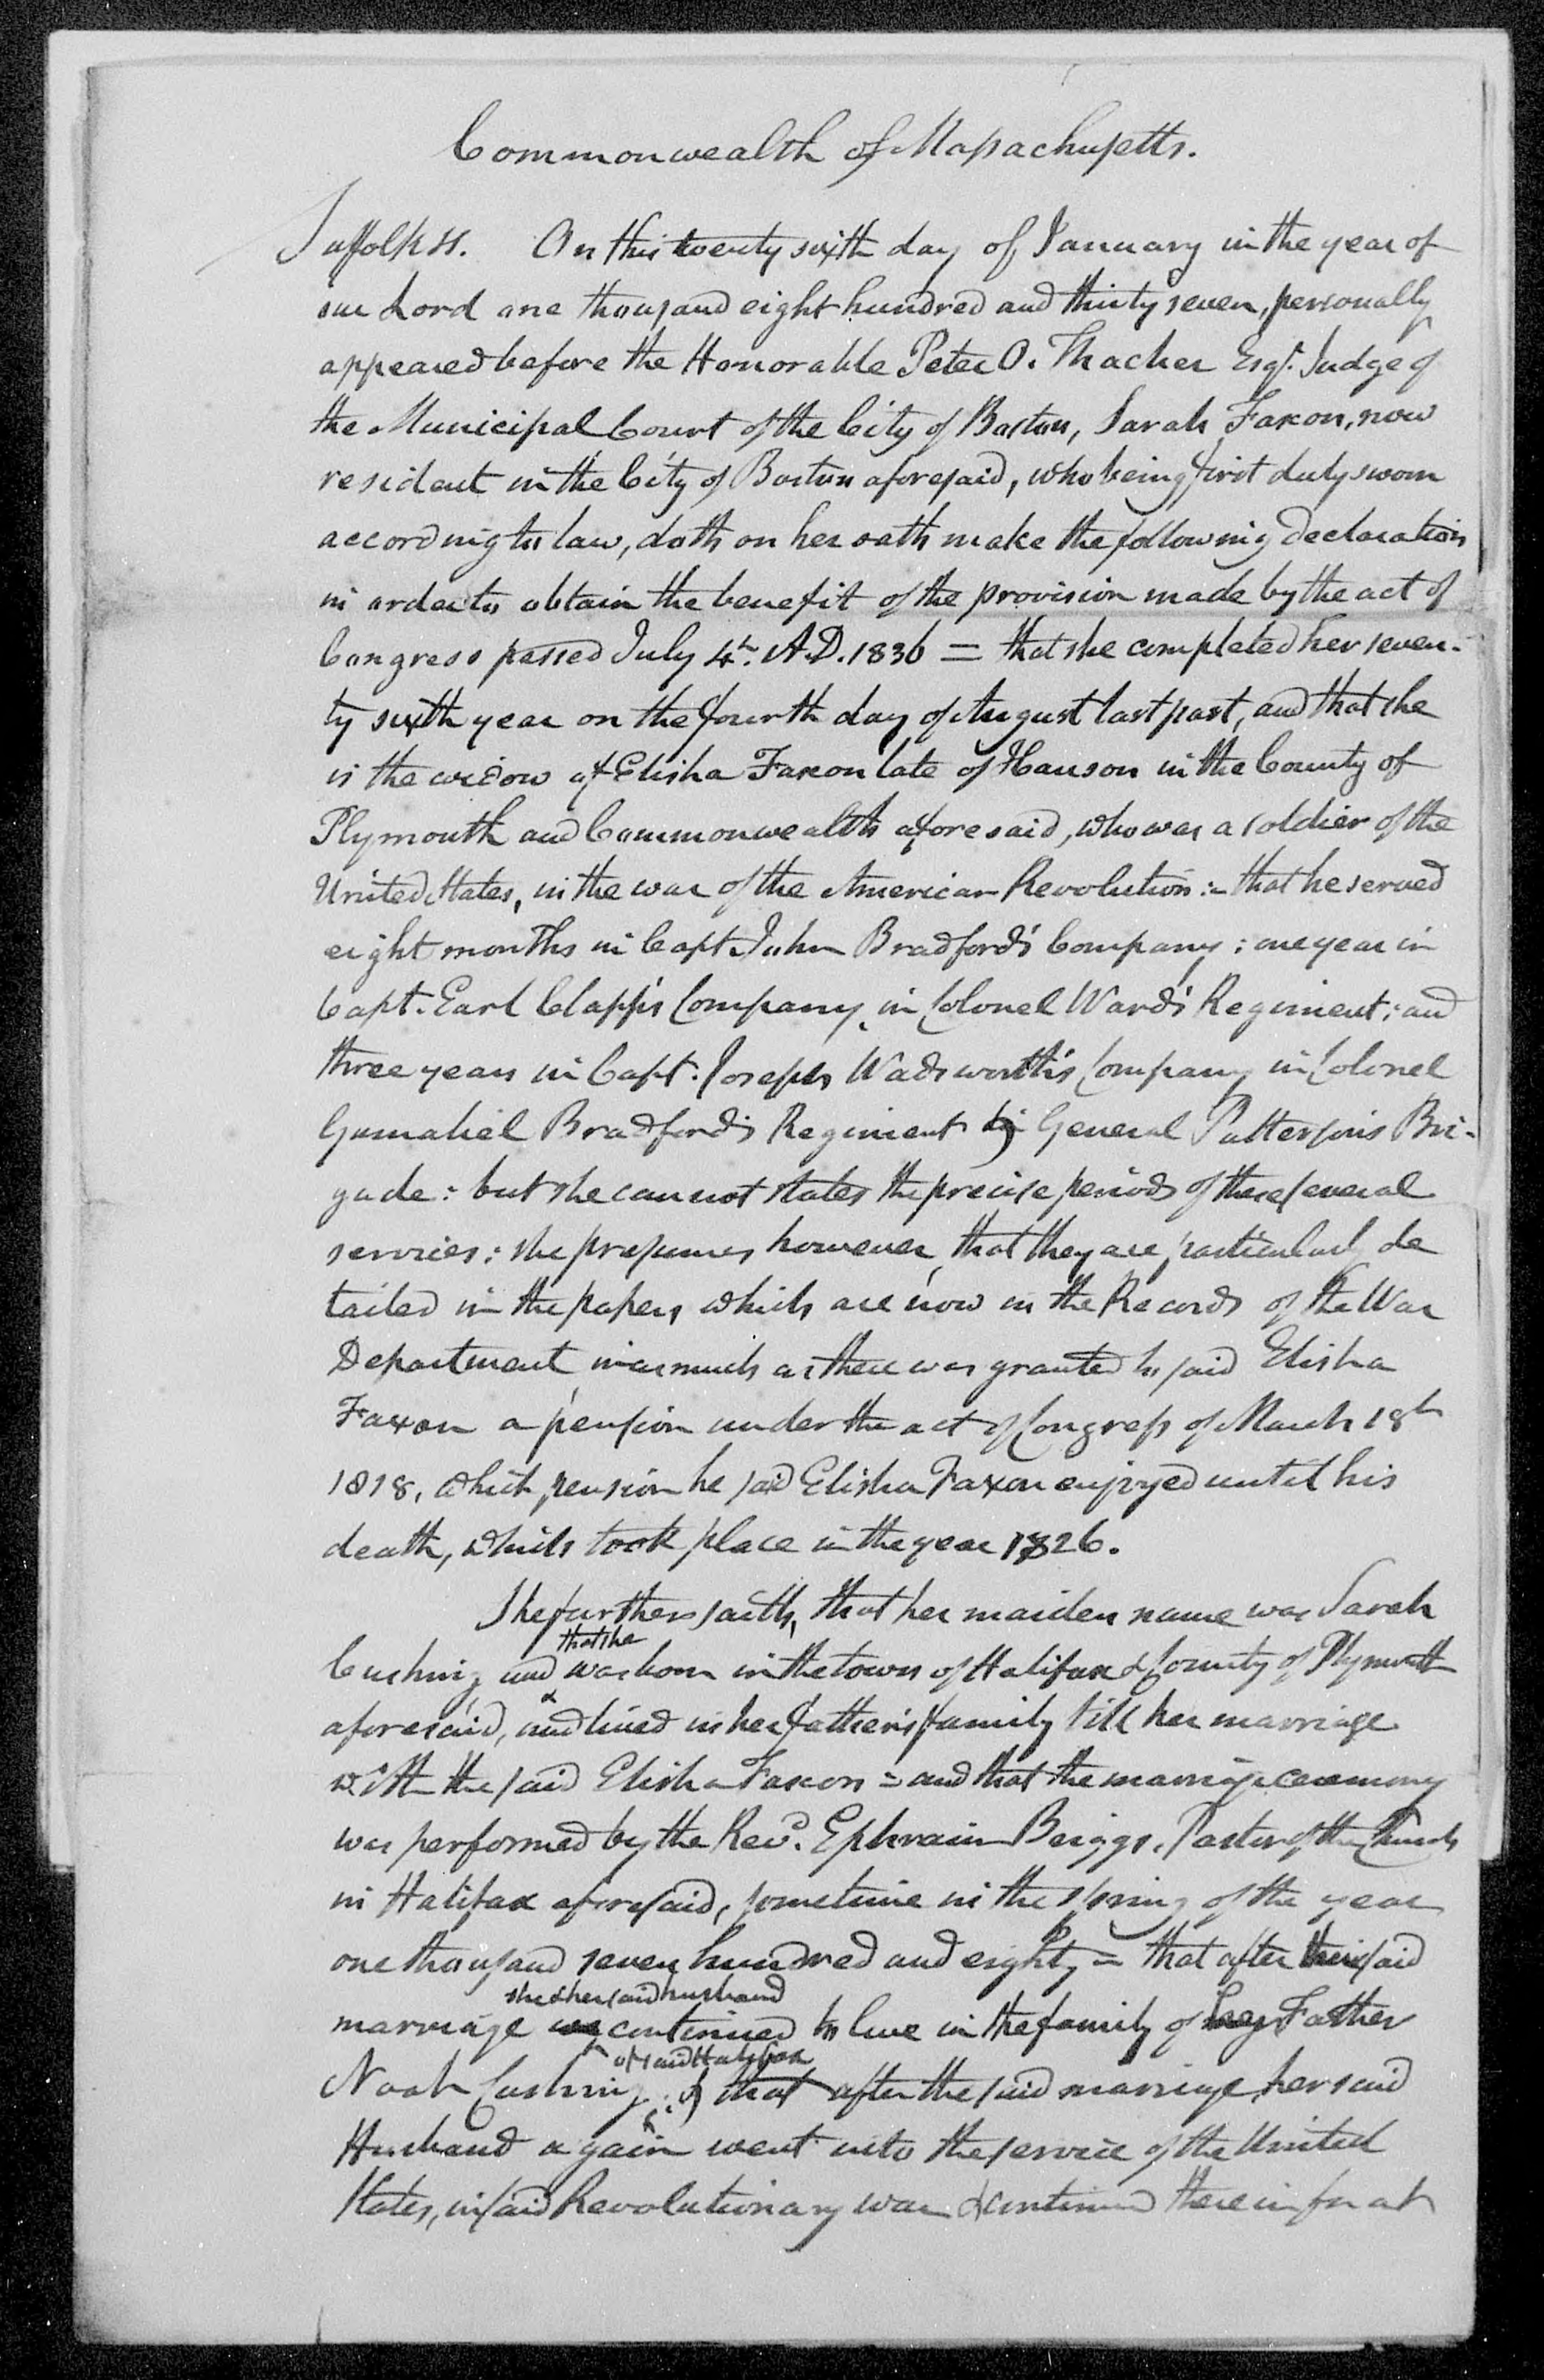Commonwealth of Massachusetts
Suffolk ss. On this twenty sixth day of January in the year of our Lord one thousand eight hundred and thirty seven, personally appeared before the Honorable Peter O. Thacher Esqr Judge of the Municipal Court of the City of Barton, Sarah Faxon, now resident in the City of Boston aforesaid, who being first duly sworn
according to law, doth on her oath make the following declaration
in order to obtain the benefit of the provision made by the act of
Congress passed July 4th A.D. 1836 = that she completed her seventy sixth year on the fourth day of August last past, and that she is the widow of Elisha Faxon late of Hanson in the County of Plymouth and Commonwealth aforesaid, who was a soldier of the United States, in the war of the American Revolution: that he served
eight months in Capt. John Bradford's Company; one year in
Capt. Earl Clapp's Company in Colonel Ward's Regiment, and
three years in Capt. Joseph Wadsworth's company in Colonel
Gamaliel Bradford's, Regiment of General Patterson's Brigade: but she cannot state the precise period of there actual services; the propences however that they are particularly detailed in the papers which are now in the Records of the War Department as much was  there was granted to said Elisha
Faxon a pension under the act of Congress of March 18th 1818, which pension the said Elisha Faxon enjoyed until his death, which took place in the year 1826. She further saith, that her maiden name was Sarah Cushing and was born in the town of Halifax County of Plymouth aforesaid, and lived in her father's family till her marriage
with the said Elisha Faxon and that the marriage ceremony was performed by the Rev'd Ephraim Briggs Pastor of the Church
in Halifax aforesaid, sometime in the spring of the year
one thousand seven hundred and eighty, that after their said
marriage she and her husband continued to live in the family of her Father Noah Cushing of said Halifax and that after said marriage
her said husband again went into the service of the United States, in said Revolutionary war & continued there [illegible]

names: Sarah Faxon, Elisha Faxon, Peter O Thacher, Elisha Faxon, Elisha Faxon, Elisha Faxon, Sarah Cushing, Noah Cushing, Ephraim Briggs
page: 8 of 47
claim: widow's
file: W. 14703, Elisha Faxon, Mass